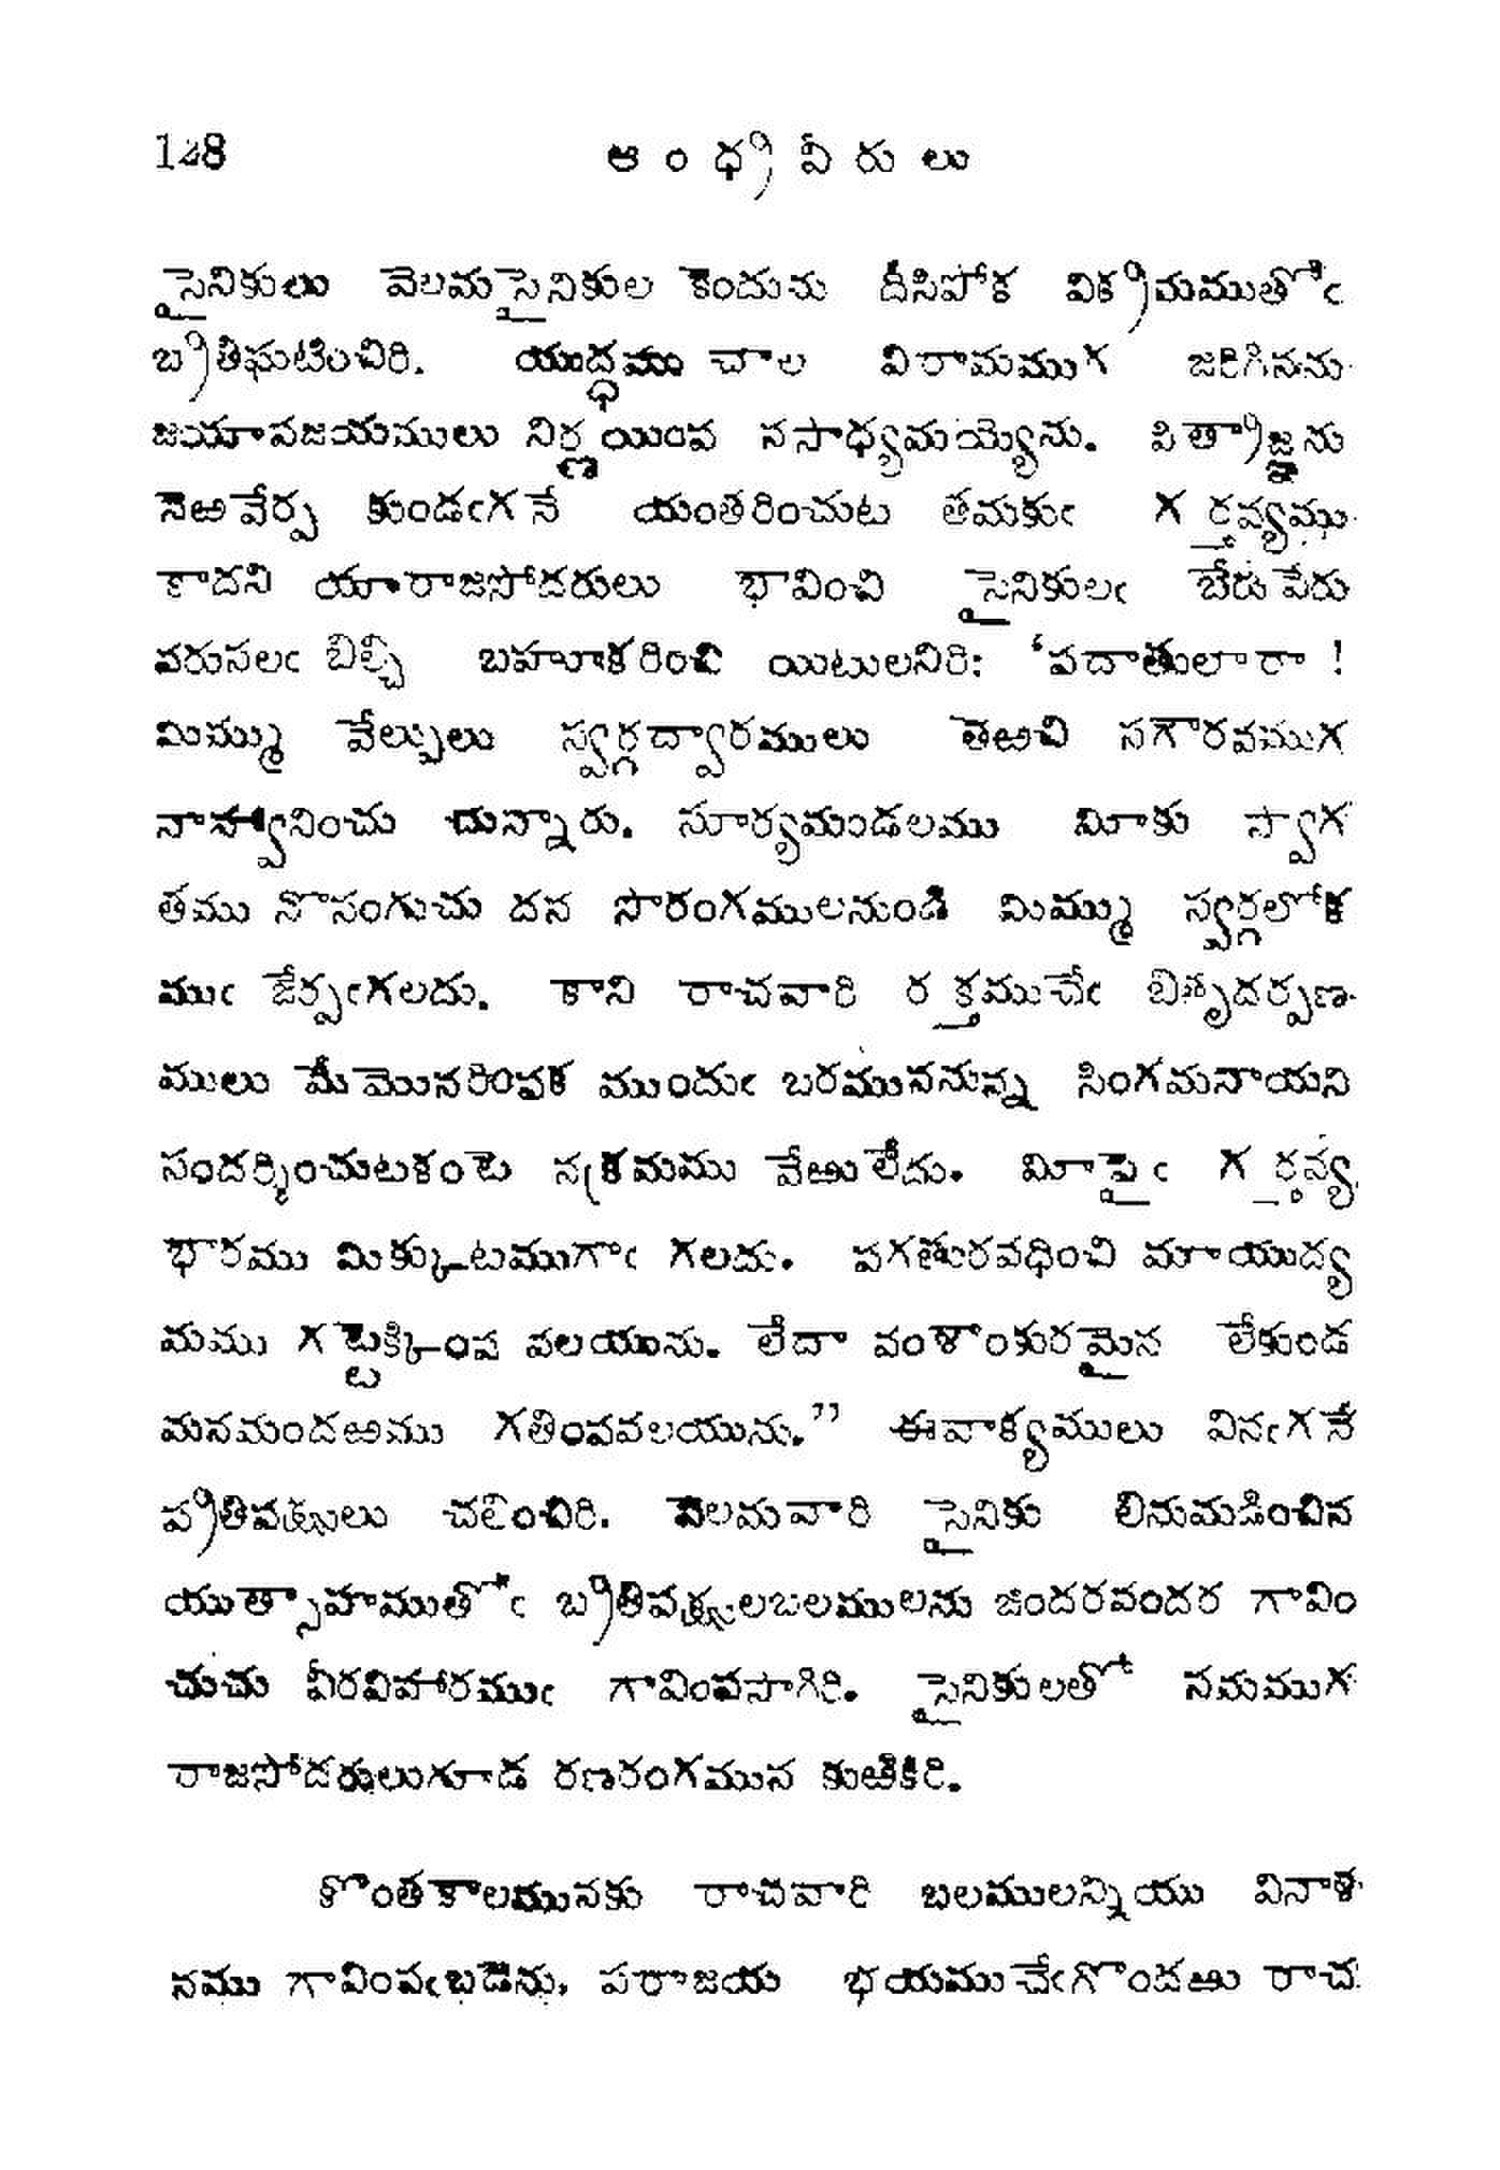సైనికులు వెలమసైనికుల కెందును దీసిపోక విక్రమముతో బ్రతిఘటించిరి. యుద్ధము చాల విరామముగ జరిగినను జయాపజయములు నిర్ణయింప నసాధ్యమయ్యెను. పిత్రాజ్ఞను నెఱవేర్ప కుండగనే యంతరించుట తమకు గర్తవ్యము కాదని యారాజుసోదరులు భావించి సైనికుల బేరు పేరు వరుసల బిల్చి బహుకరించి యిటులనిరి: 'పదాతులారా! మిమ్ము వేల్పులు స్వర్గద్వారములు తెఱచి సగౌరవముగ నాహ్వానించు చున్నారు. సూర్యమండలము మీకు స్వాగతము నొసంగుచు దన సొరంగములనుండి మిమ్ము స్వర్గలోకము జేర్పగలదు. కాని రాచవారి రక్తముచే బితృదర్పణములు మేమొనరింపక ముందు బరముననున్న సింగమనాయని సందర్శించుటకంటె నక్రమము వేఱులేదు. మీపై గర్తవ్యభారము మిక్కుటముగా గలదు. పగతురవధించి మా యుద్యమము గట్టెక్కింప వలయును. లేదా వంశాంకురమైన లేకుండ మనమందఱము గతింపవలయును." ఈవాక్యములు వినగనే ప్రతిపక్షులు చలించిరి. వెలమవారి సైనికు లినుమడించిన యుత్సాహముతో బ్రతిపక్షులబలములను జిందరవందర గావించుచు వీరవిహారము గావింపసాగిరి. సైనికులతో సమముగ రాజసోదరులుగూడ రణరంగమున కుఱికిరి.

కొంతకాలమునకు రాచవారి బలములన్నియు వినాశనము గావింపబడెను. పరాజయ భయముచేగొందఱు రాచ